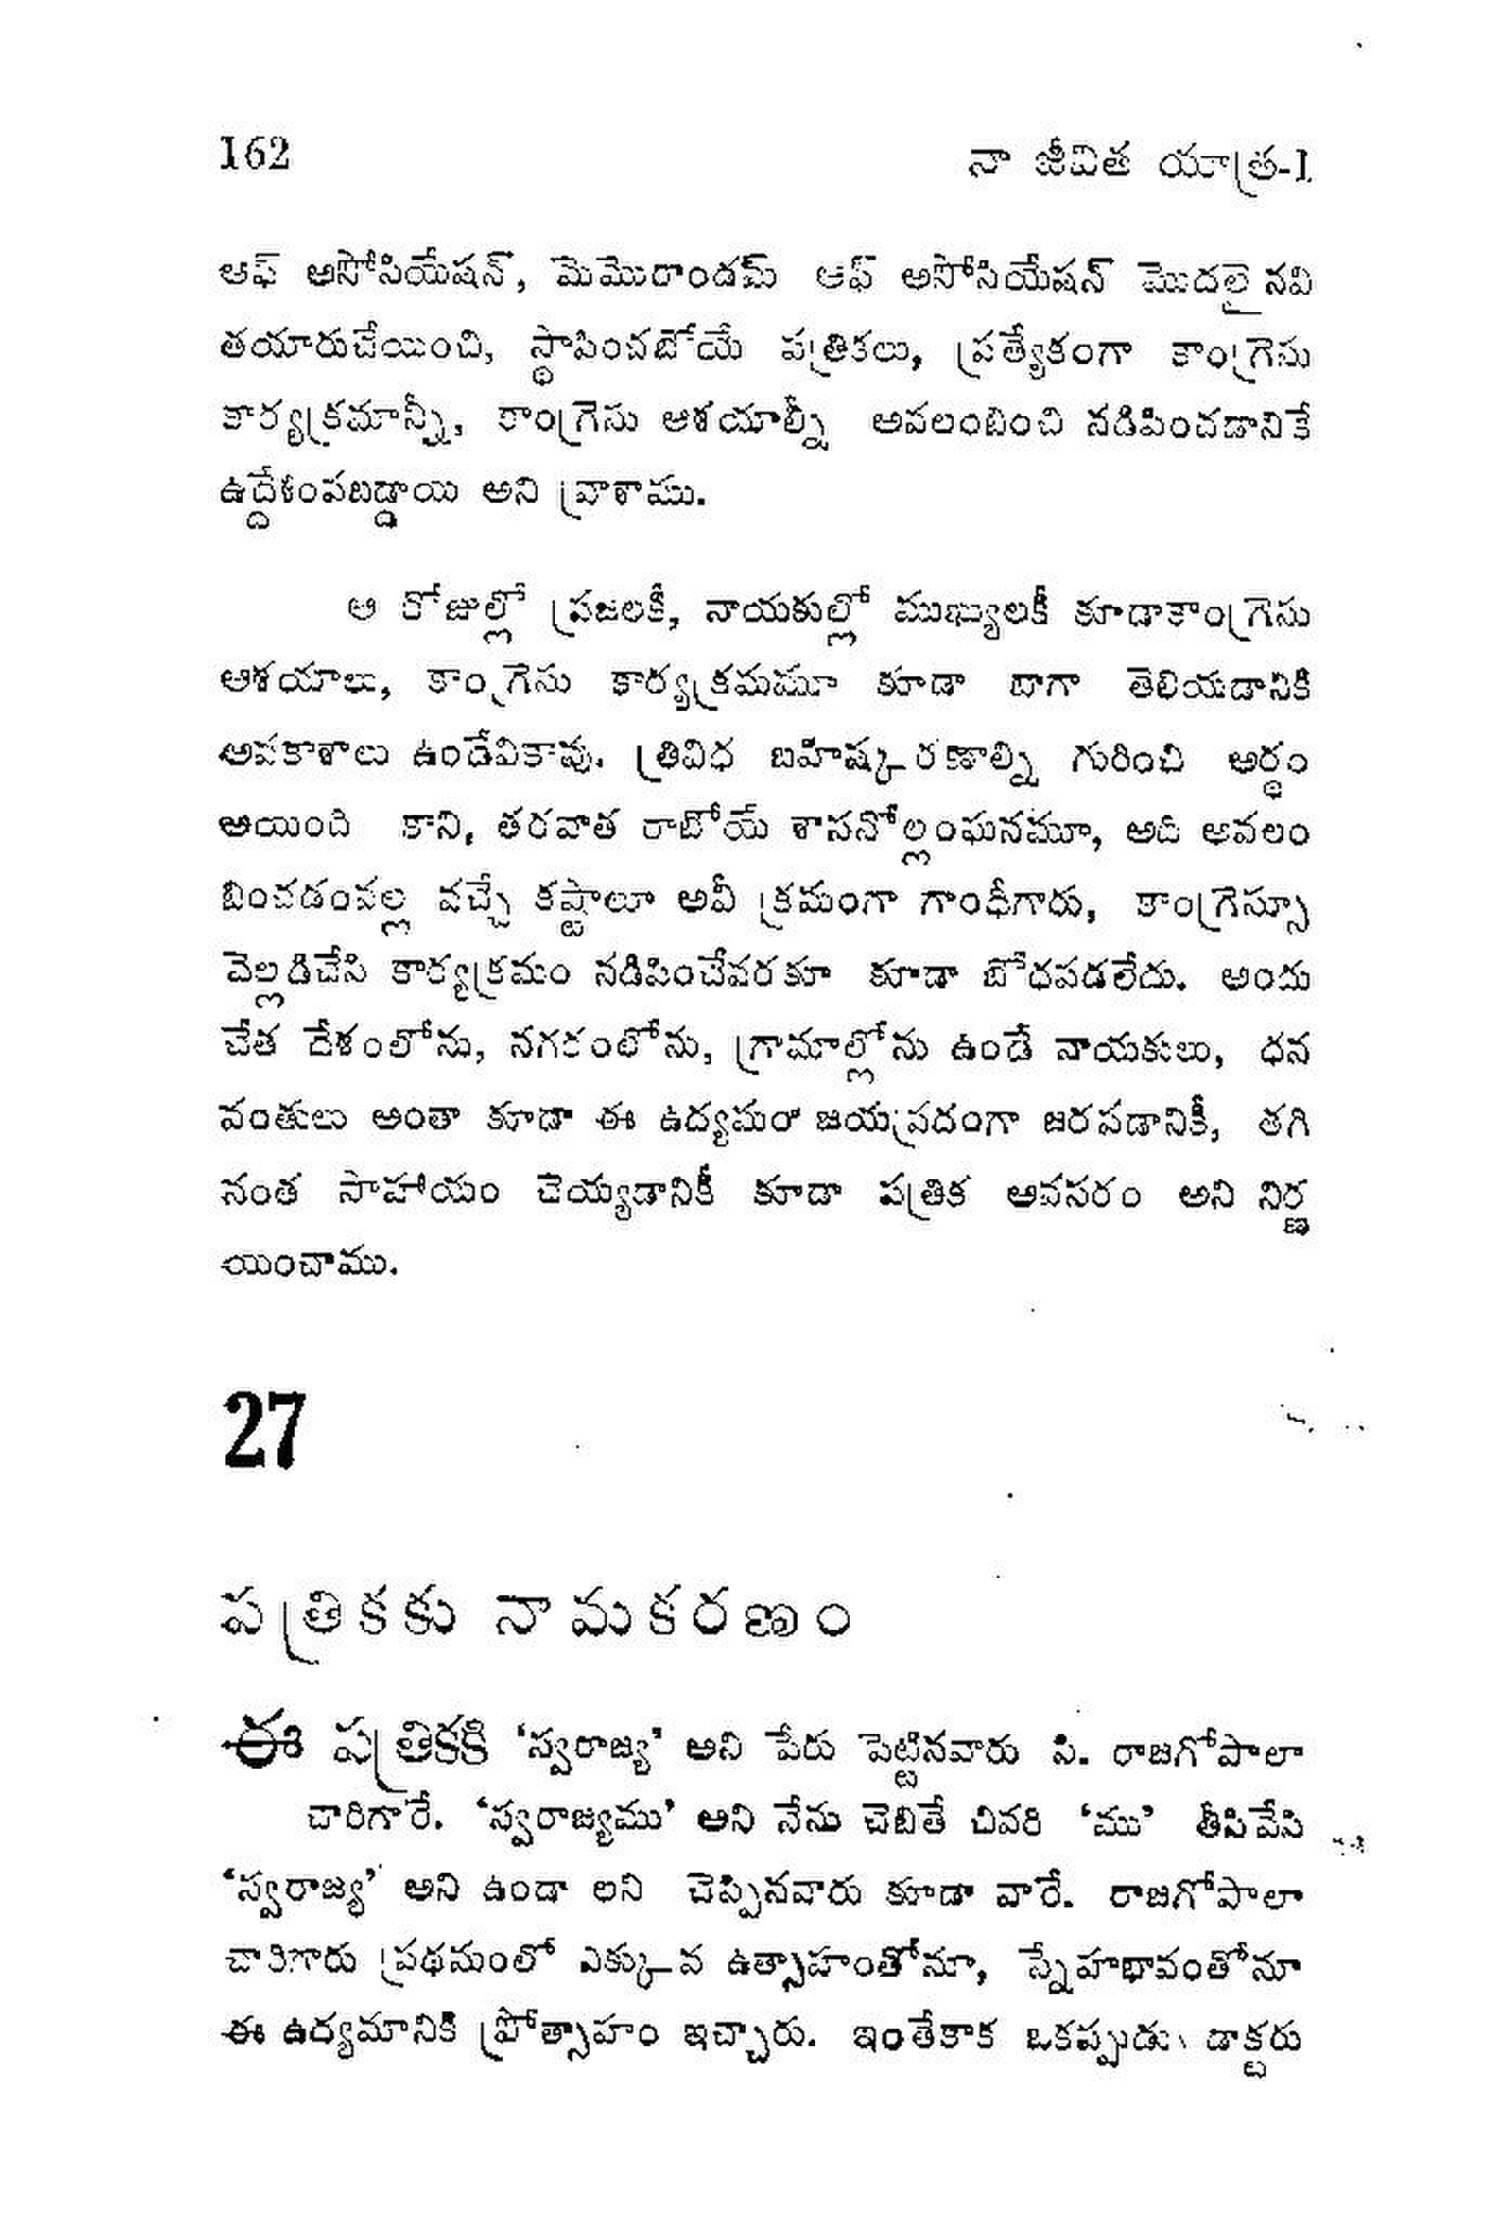ఆఫ్ అసోసియేషన్, మెమొరాండమ్ ఆఫ్ అసోసియేషన్ మొదలైనవి తయారుచేయించి, స్థాపించబోయే పత్రికలు, ప్రత్యేకంగా కాంగ్రెసు కార్యక్రమాన్నీ, కాంగ్రెసు ఆశయాల్నీ అవలంబించి నడిపించడానికే ఉద్దేశింపబడ్డాయి అని వ్రాశాము.

ఆ రోజుల్లో ప్రజలకీ, నాయకుల్లో ముఖ్యులకీ కూడా కాంగ్రెసు ఆశయాలు, కాంగ్రెసు కార్యక్రమమూ కూడా బాగా తెలియడానికి అవకాశాలు ఉండేవికావు. త్రివిధ బహిష్కరణాల్ని గురించి అర్ధం అయింది కాని, తరవాత రాబోయే శాసనోల్లంఘనమూ, అది అవలంబించడంవల్ల వచ్చే కష్టాలూ అవీ క్రమంగా గాంధీగారు, కాంగ్రెస్సూ వెల్లడిచేసి కార్యక్రమం నడిపించేవరకూ కూడా బోధపడలేదు. అందుచేత దేశంలోను, నగరంలోను, గ్రామాల్లోను ఉండే నాయకులు, ధనవంతులు అంతా కూడా ఈ ఉద్యమం జయప్రదంగా జరపడానికీ, తగినంత సాహాయం చెయ్యడానికీ కూడా పత్రిక అవసరం అని నిర్ణయించాము.

ఈ పత్రికకి 'స్వరాజ్య' అని పేరు పెట్టినవారు సి. రాజగోపాలాచారిగారే. 'స్వరాజ్యము' అని నేను చెబితే చివరి 'ము' తీసివేసి 'స్వరాజ్య' అని ఉండాలని చెప్పినవారు కూడా వారే. రాజగోపాలాచారిగారు ప్రథమంలో ఎక్కువ ఉత్సాహంతోనూ, స్నేహభావంతోనూ ఈ ఉద్యమానికి ప్రోత్సాహం ఇచ్చారు. ఇంతేకాక ఒకప్పుడు డాక్టరు